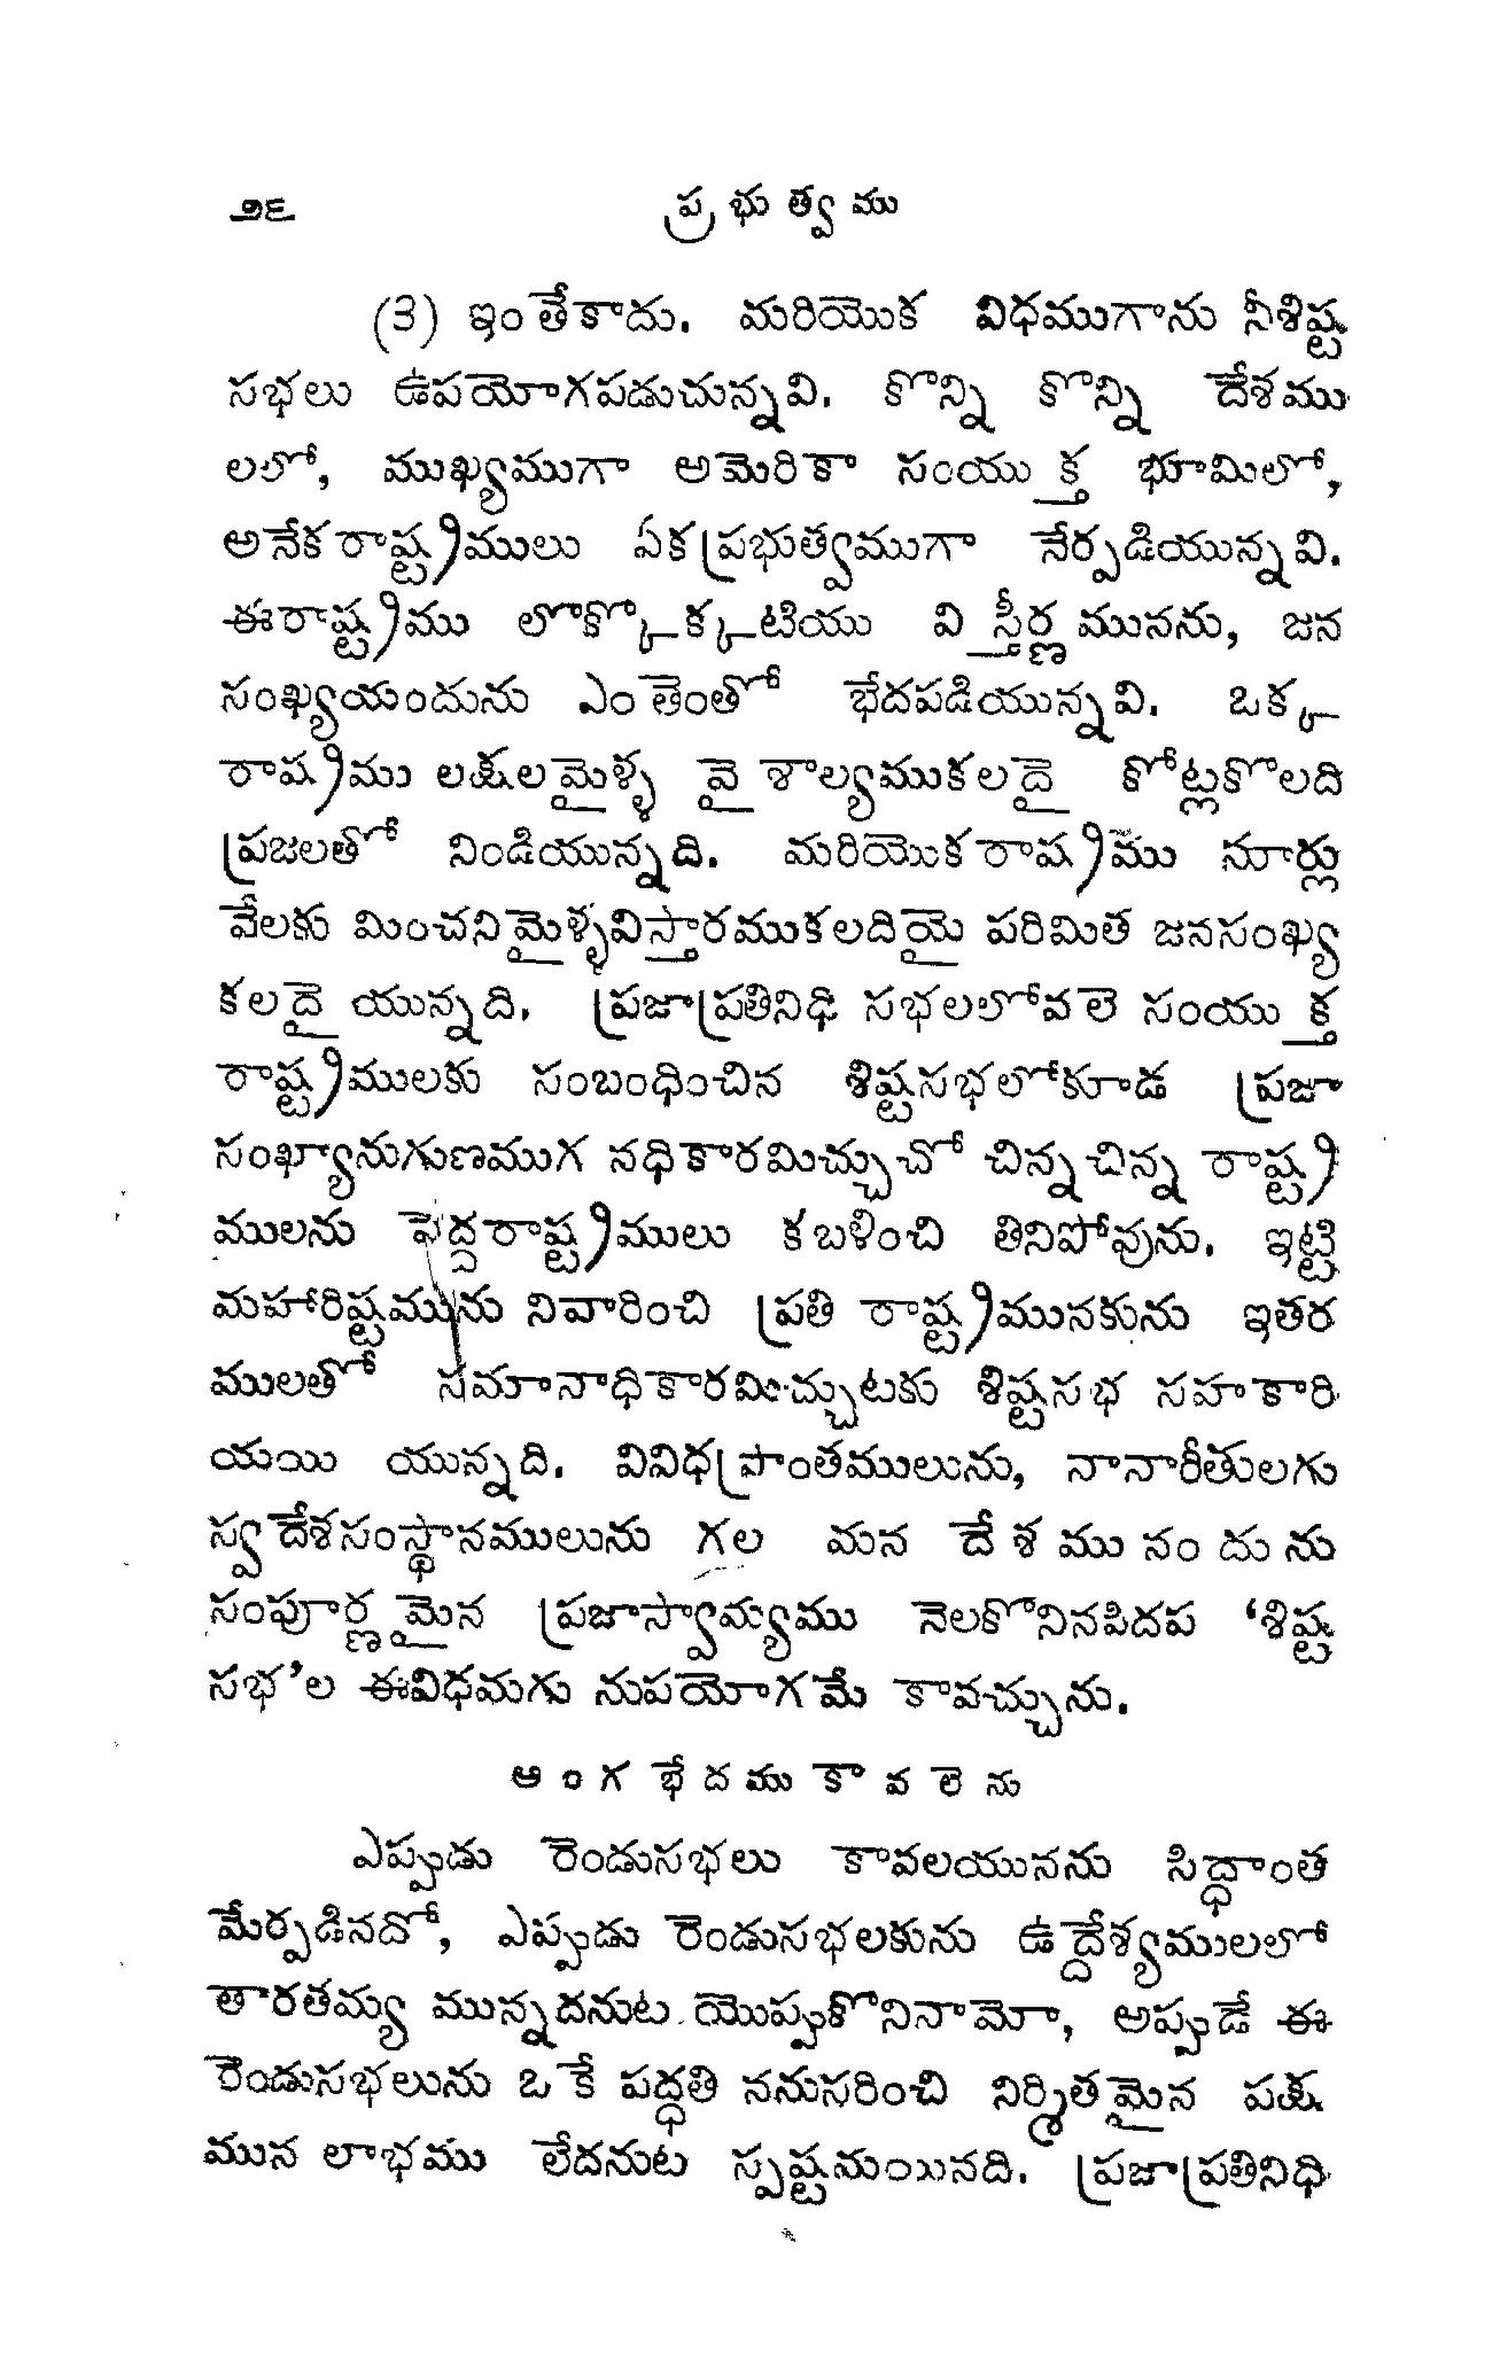(3) ఇంతేకాదు, మరియొక విధముగాను నీశిష్ట సభలు ఉపయోగపడుచున్నవి. కొన్ని కొన్ని దేశములలో, ముఖ్యముగా అమెరికా సంయుక్త భూమిలో, అనేకరాష్ట్రములు ఏకప్రభుత్వముగా నేర్పడియున్నవి. ఈరాష్ట్రము లొక్కొక్కటియు విస్తీర్ణమునను, జనసంఖ్యయందును ఎంతెంతో భేదపడియున్నవి. ఒక్క రాష్ట్రము లక్షలమైళ్ళ వైశాల్యముకలదై కోట్లకొలది ప్రజలతో నిండియున్నది. మరియొకరాష్ట్రము నూర్లు వేలకు మించనిమైళ్ళవిస్తారముకలదియై పరిమిత జనసంఖ్య కలదై యున్నది. ప్రజాప్రతినిధి సభలలోవలె సంయుక్తరాష్ట్రములకు సంబంధించిన శిష్టసభలోకూడ ప్రజా
సంఖ్యానుగుణముగ నధికారమిచ్చుచో చిన్నచిన్న రాష్ట్రములను పెద్దరాష్ట్రములు కబళించి తినిపోవును. ఇట్టి మహారిష్టమును నివారించి ప్రతి రాష్ట్రమునకును ఇతరములతో సమానాధికార మిచ్చుటకు శిష్టసభ సహకారి యయి యున్నది. వివిధప్రాంతములును, నానారీతులగు స్వదేశ సంస్థానములును గల మన దేశము నందును సంపూర్ణ మైన ప్రజాస్వామ్యము నెలకొనినపిదప 'శిష్ట సభ'ల ఈవిధమగు నుపయోగమే కావచ్చును.

ఎప్పుడు రెండుసభలు కావలయునను సిద్ధాంత మేర్పడినదో, ఎప్పుడు రెండుసభలకును ఉద్దేశ్యములలో తారతమ్య మున్నదనుట యొప్పుకొనినామో, అప్పుడే ఈ రెండుసభలును ఒకే పద్ధతి ననుసరించి నిర్మితమైన పక్షమున లాభము లేదనుట స్పష్టనుయినది. ప్రజాప్రతినిధి